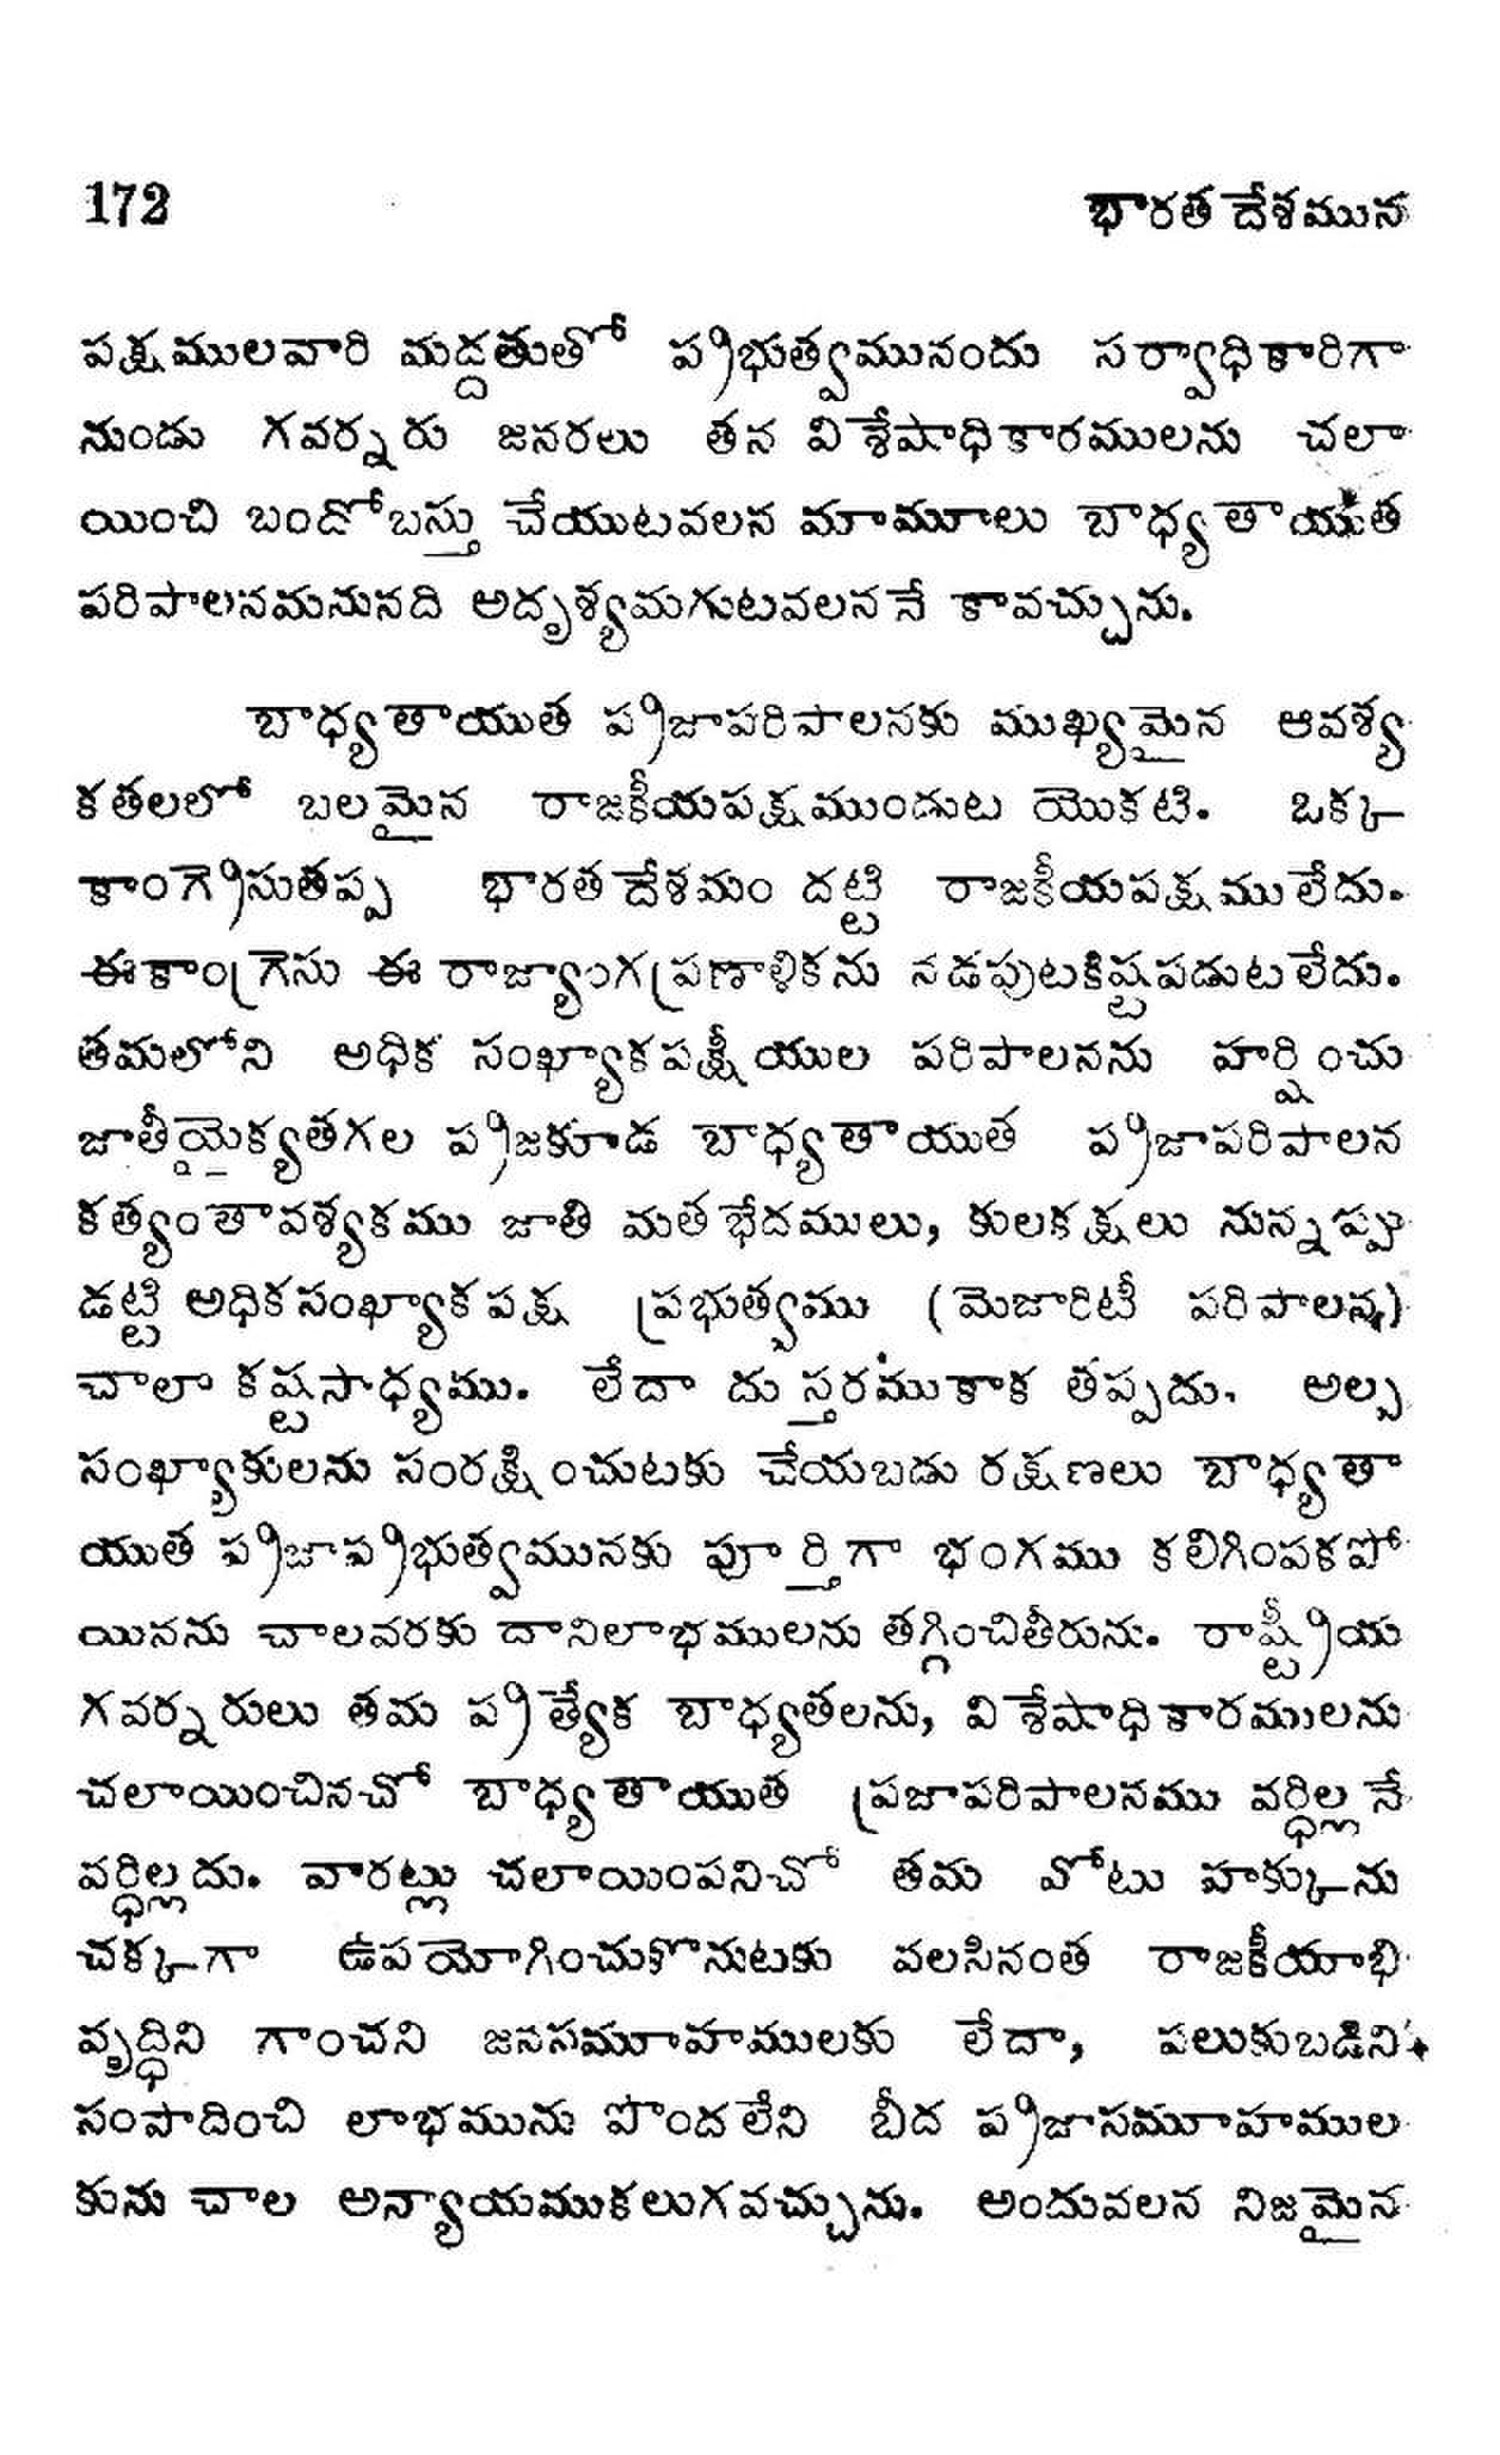పక్షములవారి మద్దతుతో ప్రభుత్వమునందు సర్వాధికారిగా నుండు గవర్నరు జనరలు తన విశేషాధికారములను చలాయించి బందోబస్తు చేయుటవలన మామూలు బాధ్యతాయుత పరిపాలనమనునది అదృశ్యమగుటవలననే కావచ్చును.

బాధ్యతాయుత ప్రజాపరిపాలనకు ముఖ్యమైన ఆవశ్యకతలలో బలమైన రాజకీయపక్షముండుట యొకటి. ఒక్క కాంగ్రెసుతప్ప భారతదేశమం దట్టి రాజకీయపక్షములేదు. ఈకాంగ్రెసు ఈ రాజ్యాంగప్రణాళికను నడపుటకిష్టపడుటలేదు. తమలోని అధిక సంఖ్యాకపక్షీయుల పరిపాలనను హర్షించు జాతీయైక్యతగల ప్రజకూడ బాధ్యతాయుత ప్రజాపరిపాలన కత్యంతావశ్యకము జాతి మత భేదములు, కులకక్షలు నున్నప్పు డట్టి అధికసంఖ్యాకపక్ష ప్రభుత్వము (మెజారిటీ పరిపాలన) చాలా కష్టసాధ్యము. లేదా దుస్తరముకాక తప్పదు. అల్ప సంఖ్యాకులను సంరక్షించుటకు చేయబడు రక్షణలు బాధ్యతాయుత ప్రజాప్రభుత్వమునకు పూర్తిగా భంగము కలిగింపకపోయినను చాలవరకు దానిలాభములను తగ్గించితీరును. రాష్ట్రీయ గవర్నరులు తమ ప్రత్యేక బాధ్యతలను, విశేషాధికారములను చలాయించినచో బాధ్యతాయుత ప్రజాపరిపాలనము వర్ధిల్లనే వర్ధిల్లదు. వారట్లు చలాయింపనిచో తమ వోటు హక్కును చక్కగా ఉపయోగించుకొనుటకు వలసినంత రాజకీయాభివృద్ధిని గాంచని జనసమూహములకు లేదా, పలుకుబడిని సంపాదించి లాభమును పొందలేని బీద ప్రజూసమూహములకును చాల అన్యాయముకలుగవచ్చును. అందువలన నిజమైన